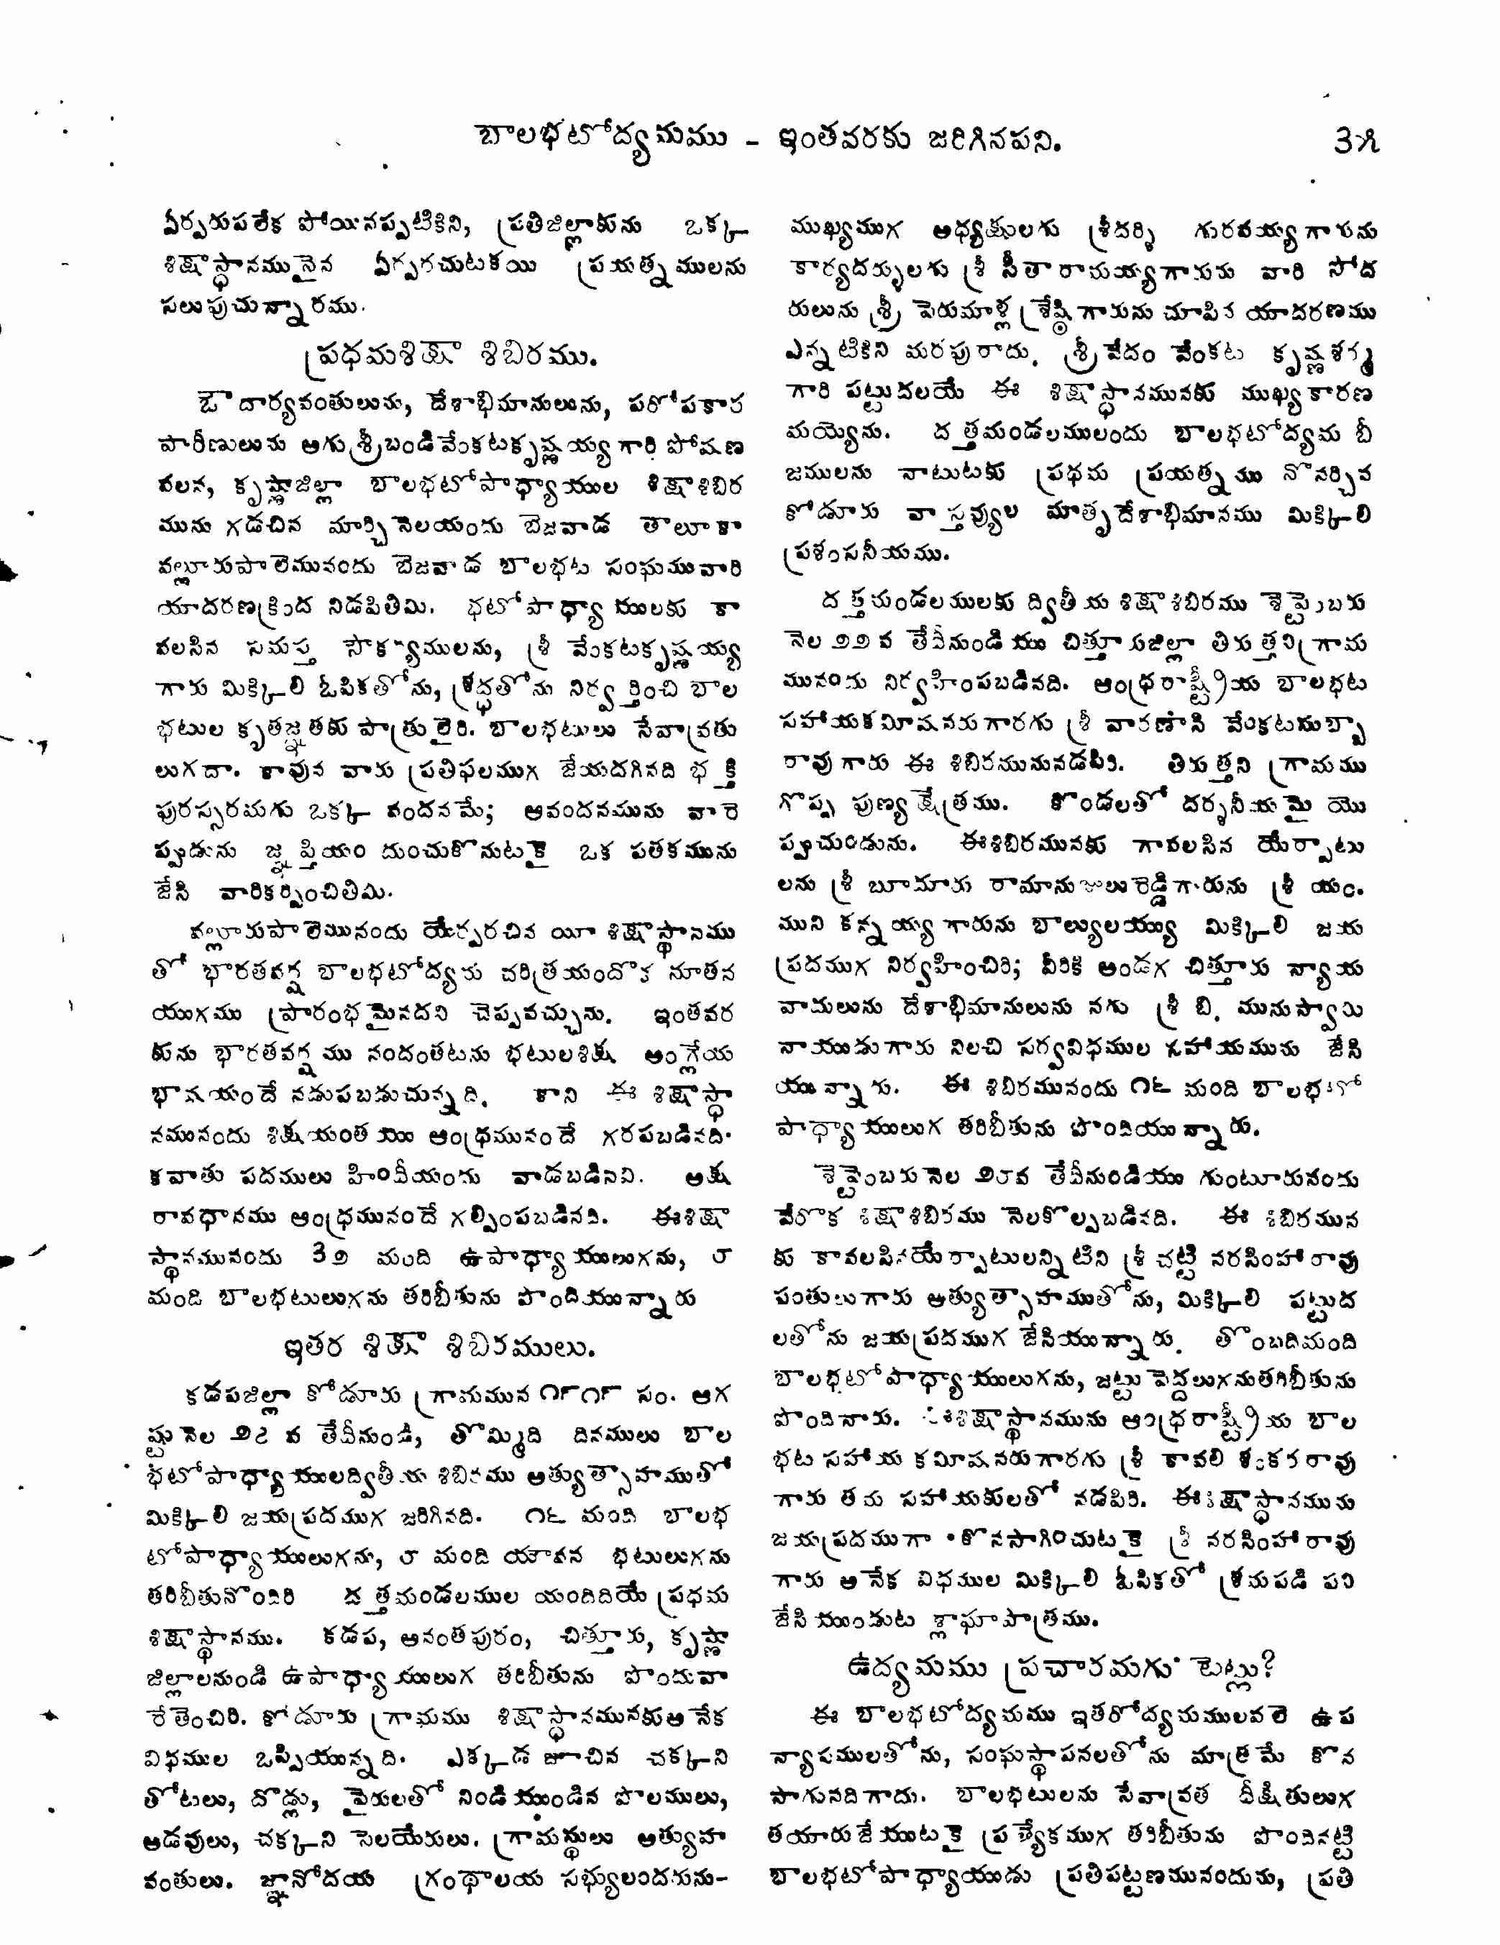ఏర్పరుపలేక పోయినప్పటికిని, ప్రతిజిల్లాకును ఒక్క శిక్షాస్థానమునైన ఏర్పరచుటకయి ప్రయత్నములను సలుపుచున్నారము.

ఔదార్యవంతులురు, దేశాభిమానులును, పరోపకారపారీణులును అగు శ్రీబండి వేంకటకృష్ణయ్యగారి పోషణవలన, కృష్ణాజిల్లా బాలభటోపాధ్యాయుల శిక్షా శిబిరమును గడచిన మార్చి నెలయందు బెజవాడ తాలూకా వల్లూరుపాలెమునందు బెజవాడ బాలభట సంఘమువారి యాదరణక్రింద నిడపితిమి. బాలభటోపాధ్యాయులకు కావలసిన సమస్త సౌకర్యములను, శ్రీ వేంకటకృష్ణయ్యగాకు మిక్కిలి ఓపికతోను, శ్రద్ధతోను నిర్వర్తించి భాలభటుల కృతజ్ఞతకు పాత్రులైరి. బాలభటులు సేవావ్రతులుగదా. కావున వారు ప్రతిఫలముగ జేయదగినది భక్తి పురస్సరమగు ఒక్క వందనమే; ఆవందనమును వారెప్పుడును జ్ఞప్తియందుంచుకొనుటకై ఒక పతకమును జేసి వారికర్పించితిమ.

వల్లూరుపాలెమునందు యేర్పరచిన యీ శిక్షాస్థానమును భారతవర్ష బాలభటోద్యమ చరిత్రయందొక నూతన యుగము ప్రారంభమైనదని చెప్పవచ్చును. ఇంతవరకును భారతవర్షము నందంతటను భటులశిక్ష ఆంగ్లేయ భాషయందే నడుపబడుచున్నది. ఈ శిక్షాస్ధానమునందు శిక్ష యంతయు ఆంధ్రమునందే గరపబడినది. కవాతు పదములు హిందీయందు వాడబడినవి. అక్షరావధానము ఆంధ్రమునందే గల్పింపబడినది. ఈశిక్షాస్థానమునందు 39 మంది ఉపాధ్యాయులుగను, ౮ మంది బాలభటులుగను తరిబీతును పొందియున్నారు.

కడపజిల్లా కోడూరు గ్రామమున ౧౯౧౯ సం. ఆగష్టు నెల ౨౭ వ తేదీ నుండి, తొమ్మిది దినములు బాలభటోపాధ్యాయుల ద్వితీయ శిబిరము అత్యుత్సాహముతో మిక్కిలి జయప్రదముగ జరిగినది. ౧౬ మంది బాలభటోపాధ్యాయులుగను, ౮ మంది యౌవన భటులుగను
తరిబీతునొందిరి. దత్తమండలముల యందిదియే ప్రధమ శిక్షాస్థానము. కడప, అనంతపురం, చిత్తూరు, కృష్ణా జిల్లాలనుండి ఉపాధ్యాయులుగ తరిబీతును పొందువారేతెంచిరి. కోడూరు గ్రామము శిక్షాస్థానమునకు అనేక విధముల ఒప్పియున్నది. ఎక్కడ జూచిన చక్కని తోటలు, దొడ్లు, పైరులతో నిండియుండిన పొలములు, ఆడవులు, చక్కని సెలయేరులు గ్రామస్థులు అత్యుహవంతులు. జ్ఞానోదయ గ్రంథాలయ సభ్యులందరును ముఖ్యముగ అధ్యక్షులకు శ్రీదర్శి గురవయ్యగారును కార్యదర్భులకు శ్రీ సీతారామయ్యగారుకు వారి సోదరులును శ్రీ పెరుమాళ్ల శ్రేష్ఠి గారును చూపిన యాదరణము ఎన్నటికిని మరపురాదు. శ్రీ వేదం వేంకట కృష్ణశర్మగారి పట్టుదలయే ఈ శిక్షాస్థానమునకు ముఖ్యకారణ మయ్యెను. దత్తమండలములందు బాలభటోద్యమ బీజములను నాటుటకు ప్రథమ ప్రయత్నము నొనర్చిన 
కోడూరు వాస్తవ్యుల మాతృదేశాభిమానము మిక్కిలి ప్రశంసనీయము.

దత్తముండలములకు ద్వితీయ శిక్షాశిబిరము సెప్టెంబరు నెల ౨౨ వ తేదీ నుండియు చిత్తూరుజిల్లా తిరుత్తలి గ్రామమునందు నిర్వహింపబడినది. ఆంధ్ర రాష్ట్రీయ బాలభట సహాయకమీషనరు గారగు శ్రీ వారణాని వేంకటసుబ్బారావుగారు ఈ శిబిరమును నడపిరి. తిరుత్తని గ్రామము గొప్ప పుణ్యక్షేత్రము. కొండలతో దర్శనీయమై యొప్పుచుండును. ఈశిబిరమునకు గావలసిన యేర్పాటులను శ్రీ బూమారు రామానుజులురెడ్డిగారును శ్రీ యం.ముని కన్నయ్యగారును బాల్యులయ్యు మిక్కిలి జయప్రదముగ నిర్వహించిరి; వీరికి అండగ చిత్తూరు న్యాయవాదులును దేశాభిమానులునునగు శ్రీ బి.మునుస్వామినాయుడుగారు నిలచి సర్వవిధముల సహాయమును జేసి
యున్నారు. ఈ శిబిరమునందు ౧౬ మంది బాలభలోపాధ్యాయులుగ తరిబీతును పొందియున్నారు.

సెప్టెంబరు నెల ౨౮వ తేదీనుండియు గుంటూరు నందు వేరొక శిక్షాశిబిరము నెలకొల్పబడినది. ఈ శిబిరమునకు కావలసిన
యేర్పాటులన్నిటిని శ్రీ చట్టి నరసింహారావు పంతులుగారు అత్యుత్సాహముతోను, మిక్కిలి పట్టుదలతోను జయప్రదముగ జేసియున్నారు. తొంబదిమంది బాలధీటోపాధ్యాయులుగను, జట్టు పెద్దలు తరిబీతును పొందినారు. శిక్షాస్థానమును ఆంధ్రరాష్ట్రీయ బాలభట సహాయ కమిషనరుగారగు శ్రీ కావలి శంకరరావుగారు తమ సహాయకులతో నడపిరి. ఈ స్థానమును జయప్రదముగా కొనసాగించుటకై శ్రీ నరసింహారావుగారు అనేక విధముల మిక్కిలి ఓపికతో శ్రమపడి పనిజేసి యుండుట శ్లాఘాపాత్రము.

ఈ బాలభటోద్యమము ఇతరోద్యమములవలె ఉపన్యాపములతోను, సంఘస్థాపనలతోను మాత్రమే కొనసాగునది గాదు. బాలభటులను సేవావ్రత దీక్షితులుగ తయారుజేయుటకై ప్రత్యేకముగ తరిబీతును పొందినట్టి బాలభటోపాధ్యాయుడు ప్రతిపట్టణమునందుకు, ప్రతి